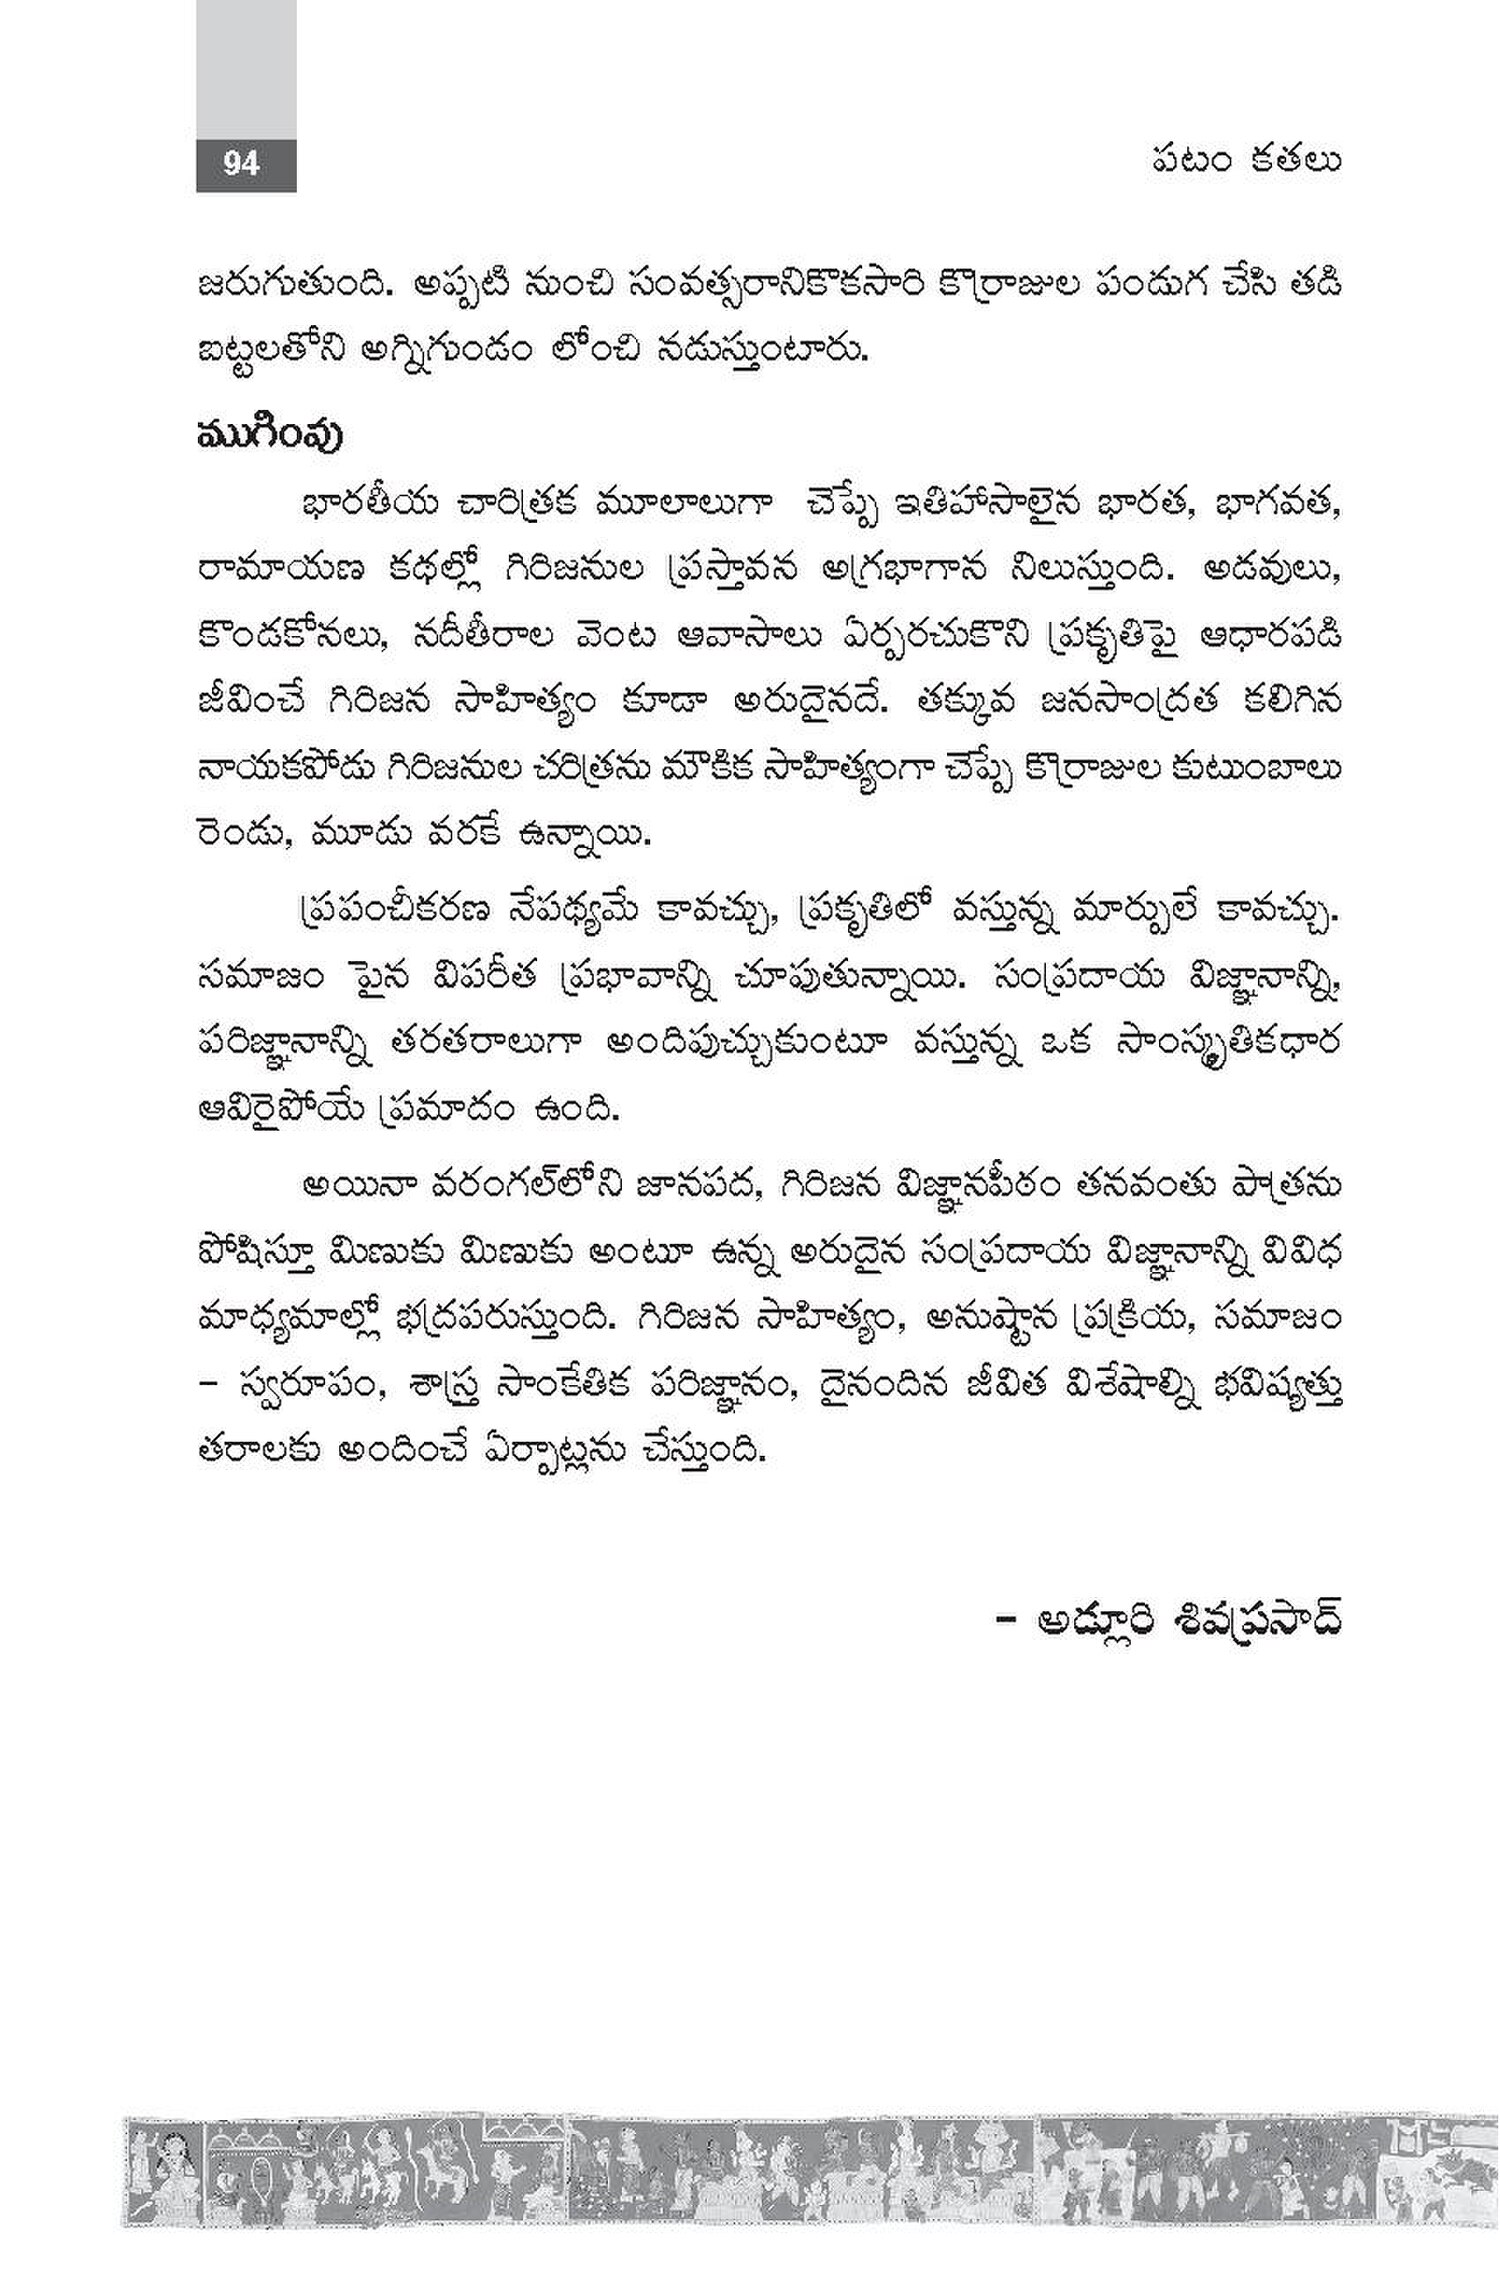జరుగుతుంది. అప్పటి నుంచి సంవత్సరానికొకసారి కొర్రాజుల పండుగ చేసి తడి బట్టలతోని అగ్నిగుండం లోంచి నడుస్తుంటారు.

ముగింపు 

భారతీయ చారిత్రక మూలాలుగా చెప్పే ఇతిహాసాలైన భారత, భాగవత, రామాయణ కథల్లో గిరిజనుల ప్రస్తావన అగ్రభాగాన నిలుస్తుంది. అడవులు, కొండకోనలు, నదీతీరాల వెంట ఆవాసాలు ఏర్పరచుకొని ప్రకృతిపై ఆధారపడి
జీవించే గిరిజన సాహిత్యం కూడా అరుదైనదే. తక్కువ జనసాంద్రత కలిగిన నాయకపోడు గిరిజనుల చరిత్రను మౌకిక సాహిత్యంగా చెప్పే కొర్రాజుల కుటుంబాలు రెండు, మూడు వరకే ఉన్నాయి.

ప్రపంచీకరణ నేపథ్యమే కావచ్చు, ప్రకృతిలో వస్తున్న మార్పులే కావచ్చు. సమాజం పైన విపరీత ప్రభావాన్ని చూపుతున్నాయి. సంప్రదాయ విజ్ఞానాన్ని, పరిజ్ఞానాన్ని తరతరాలుగా అందిపుచ్చుకుంటూ వస్తున్న ఒక సాంస్కృతికధార
ఆవిరైపోయే ప్రమాదం ఉంది.

అయినా వరంగల్లోని జానపద, గిరిజన విజ్ఞానపీఠం తనవంతు పాత్రను పోషిస్తూ మిణుకు మిణుకు అంటూ ఉన్న అరుదైన సంప్రదాయ విజ్ఞానాన్ని వివిధ మాధ్యమాల్లో భద్రపరుస్తుంది. గిరిజన సాహిత్యం, అనుష్టాన ప్రక్రియ, సమాజం
- స్వరూపం, శాస్త్ర సాంకేతిక పరిజ్ఞానం, దైనందిన జీవిత విశేషాల్ని భవిష్యత్తు తరాలకు అందించే ఏర్పాట్లను చేస్తుంది.